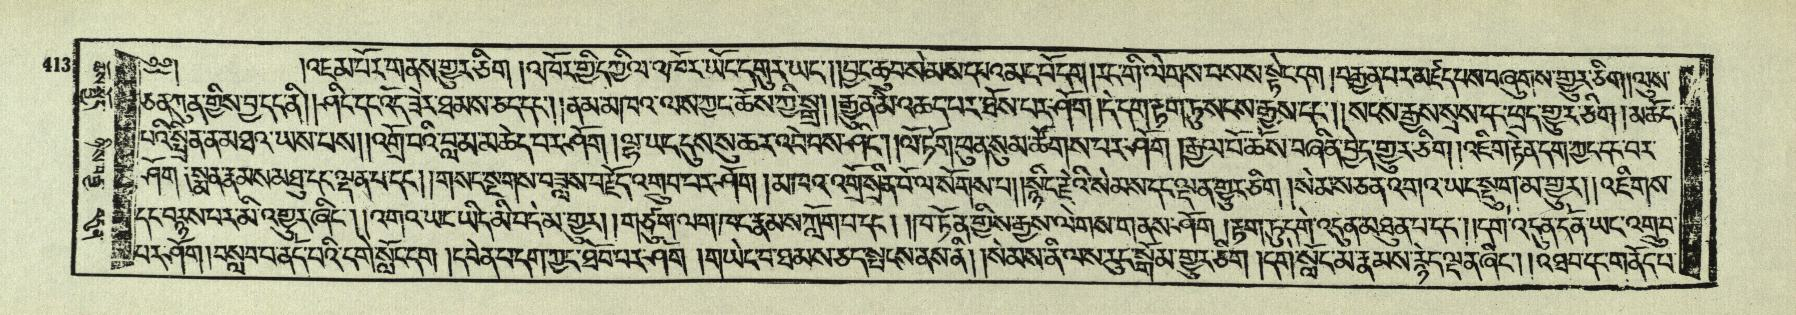༄༅། །འཇམ་པོར་གནས་གྱུར་ཅིག །འཁོར་གྱི་དཀྱིལ་འཁོར་ཡོང་དགུར་ཡང་། །བྱང་ཆུབ་སེམས་དཔའ་མང་པོ་དག །རང་གི་ལེགས་བས་ས་སྟེང་དག །བརྒྱན་པར་མཛད་པས་བཞུགས་གྱུར་ཅིག །ལུས་
ཅན་ཀུན་གྱིས་བྱ་དང་ནི། །ཤིང་དང་འོད་ཟེར་ཐམས་ཅད་དང་། །ནམ་མཁའ་ལས་ཀྱང་ཆོས་ཀྱི་སྒྲ། །རྒྱུན་མི་འཆད་པར་ཐོས་པར་ཤོག །དེ་དག་རྟག་ཏུ་སངས་རྒྱས་དང་། །སངས་རྒྱས་སྲས་དང་ཕྲད་གྱུར་ཅིག །མཆོད་
པའི་སྤྲིན་ན་མཐའ་ཡས་པས། །འགྲོ་བའི་བླ་མ་མཆེད་པར་ཤོག །ལྷ་ཡང་དུས་སུ་ཆར་འབེབས་ཤིང་། །ལོ་ཏོག་ཕུན་སུམ་ཚོགས་པར་ཤོག །རྒྱལ་པོ་ཆོས་བཞིན་བྱེད་གྱུར་ཅིག །འཇིག་རྟེན་དག་ཀྱང་དང་བར་
ཤོག ༑སྨན་རྣམས་མཐུ་དང་ལྡན་པ་དང་། །གསང་སྔགས་བཟླས་བརྗོད་འགྲུབ་པར་ཤོག །མཁའ་འགྲོ་སྲིན་པོ་ལ་སོགས་པ། །སྙིང་རྗེའི་སེམས་དང་ལྡན་གྱུར་ཅིག །སེམས་ཅན་འགའ་ཡང་སྡུག་མ་གྱུར། །འཇིགས་
དང་བརྙས་པར་མི་འགྱུར་ཞིང་། །འགའ་ཡང་ཡིད་མི་བདེ་མ་གྱུར། །གཙུག་ལག་ཁང་རྣམས་ཀློག་པ་དང་། །ཁ་ཏོན་གྱིས་རྒྱས་ལེགས་གནས་ཤོག །རྟག་ཏུ་དགེ་འདུན་མཐུན་པ་དང་། །དགེ་འདུན་དོན་ཡང་འགྲུབ་
པར་ཤོག །བསླབ་པ་ནོད་པའི་དགེ་སློང་དག །དབེན་པ་དག་ཀྱང་ཐོབ་པར་ཤོག །གཡེང་བ་ཐམས་ཅད་སྤངས་ནས་ནི། །སེམས་ནི་ལས་རུང་སྒོམ་གྱུར་ཅིག །དགེ་སློང་མ་རྣམས་རྙེད་ལྡན་ཞིང་། །འཐབ་དང་གནོད་པ་